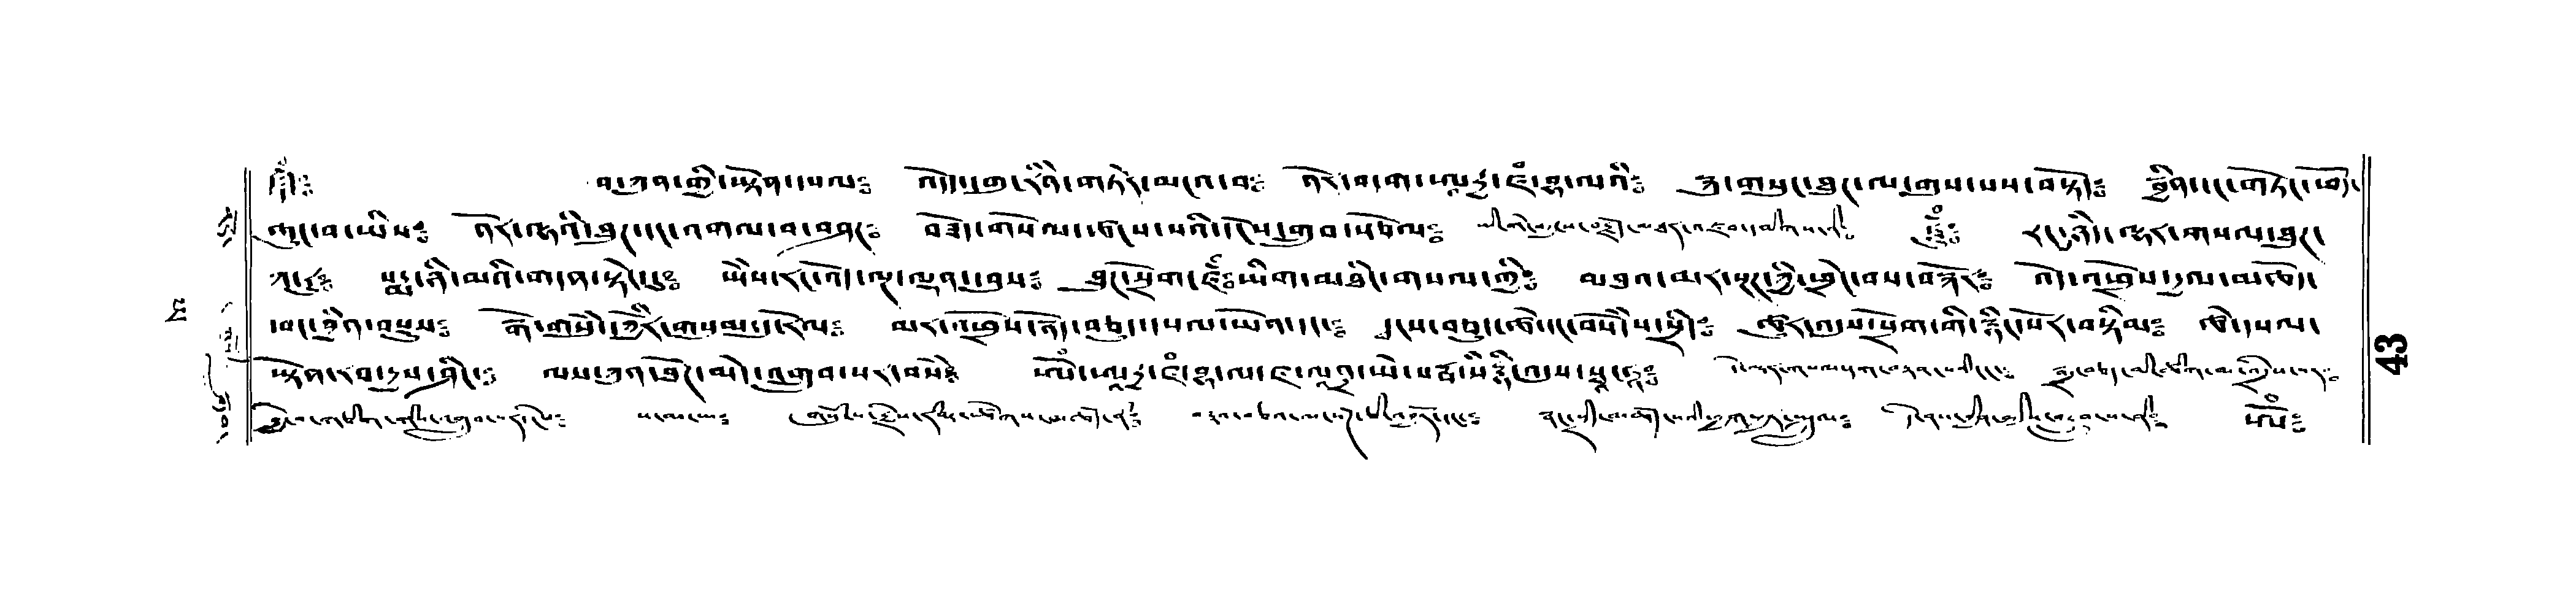བ་ཀུན་གྱི་ཡོན་ཏན་དཔལ༔ འདོད་དགུ་རིན་ཆེན་གཏེར་མངའ་བ༔ ནོར་བདག་ཨཱརྻ་ཛམ་བྷ་ལའི༔ སྐུ་གསུང་ཐུགས་ལ་གུས་པས་བསྟོད༔ སྦྱིན་དང་གཏོང་ཕོད་
ཆུང་བ་ཡིས༔ ནོར་ལྷའི་ཐུགས་དང་འགལ་བ་བཤགས༔ བཟོད་གསོལ་ཚངས་པའི་དངོས་གྲུབ་སྩོལ༔ ཡི་གེ་བརྒྱ་པ་བརྗོད་མཐར་འཛབ་དམིགས་ནི༔ ཧཱུྃ༔ རང་ཉིད་ལྷར་གསལ་ཐུགས་
ཀ་རུ༔ པདྨ་ཉི་མའི་གདན་སྟེང་དུ༔ ཡེ་ཤེས་རང་འོད་ལྔ་ལྡན་དབུས༔ ཐུགས་སྲོག་ཛམཿཡིག་མཐིང་གསལ་གྱི༔ མཐའ་མར་སྔགས་ཀྱི་ཕྲེང་བས་བསྐོར༔ འོད་འཕྲོས་རྒྱལ་མཆོད་
དབང་བྱིན་བསྡུས༔ སྒོ་གསུམ་དཀྱིལ་འཁོར་གསུམ་དུ་རོལ༔མར་འཕྲོས་སྣོད་བཅུད་དཔལ་ཡོན་དང༔ དྭངས་བཅུད་ཚེ་དང་བསོད་ནམས་སྲིད༔ ཚུར་འདུས་སྲོག་གི་སྙིང་པོར་བསྟིམ༔ ཚེ་དཔལ་
ཡོན་ཏན་རབ་རྒྱས་ཤིང༔ ལས་ཀུན་ཐོགས་མེད་འགྲུབ་པར་བསམ༔ ཨོཾ་ཨཱརྻ་ཛམ་བྷ་ལ་ཛ་ལཱནྡྲ་ཡེ་སརྦ་སིདྡྷི་འདུས་སྭཱ་ཧཱ༔ དེ་ལྟར་གསལ་དག་བརྟན་པའི་ངང༔ སྨྲ་བཅད་མི་ཚིག་མ་འདྲེས་པར༔ 
བྱེ་བ་གཅིག་གིས་གྲུབ་པར་ངེས༔ ས་མ་ཡ༔ གསུམ་པ་རྗེས་རིམ་ཚོགས་མཆོད་ནི༔ བཟའ་བཅའ་ལ་སོགས་ཅི་འབྱོར་དང་ཿ སྣང་སྲིད་མཆོད་པའི་ཕྱག་རྒྱར་སྤྲུལ༔ དེ་ནས་བྱིན་གྱིས་བརླབ་པ་ནིཿ ཨོཾ༔